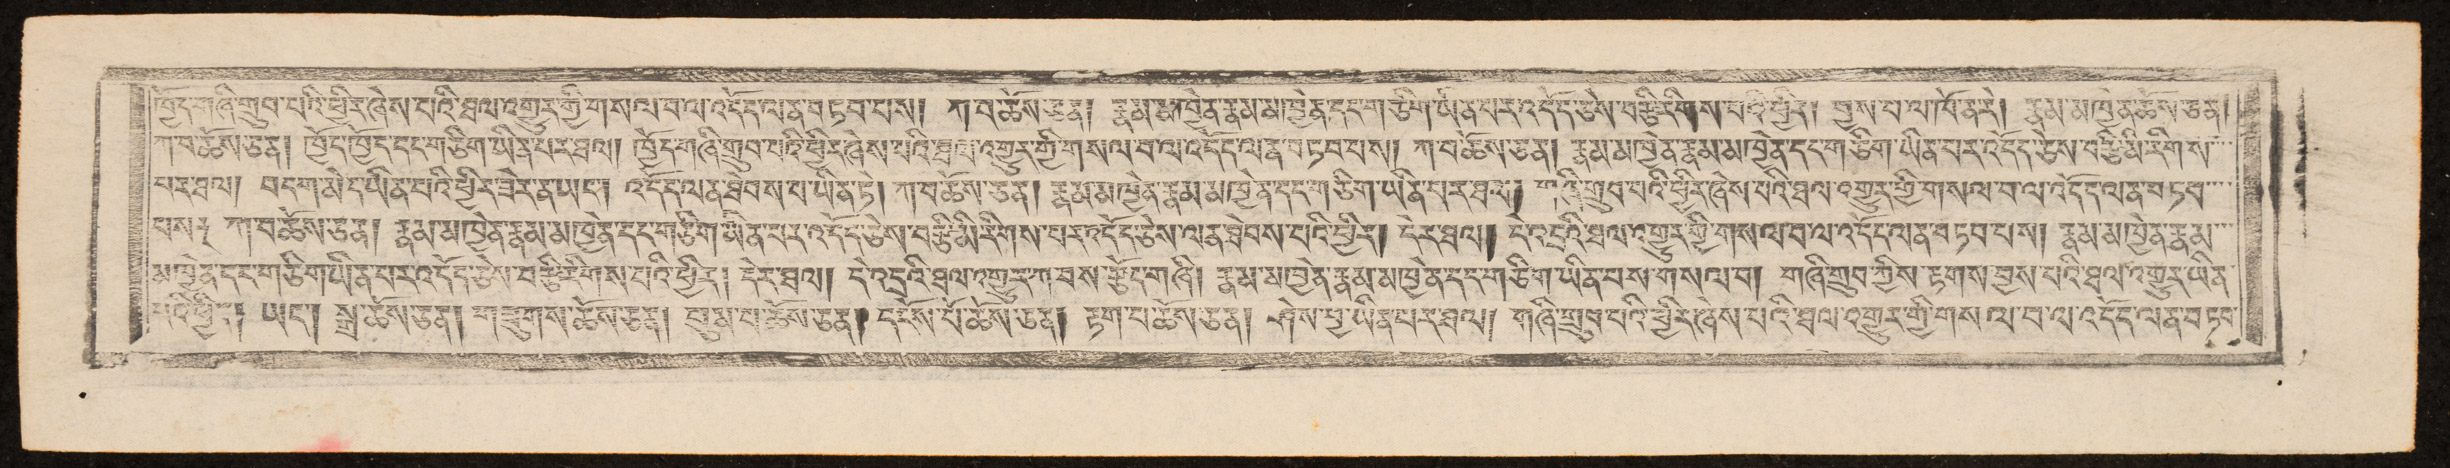ཁྱོད་གཞི་གྲུབ་པའི་ཕྱིར་ཞེས་པའི་ཐལ་འགྱུར་གྱི་གསལ་བ་ལ་འདོད་ལན་བཏབ་པས། ཀ་བ་ཆོས་ཅན། རྣམ་མཁྱེན་རྣམ་མཁྱེན་དང་གཅིག་ཡིན་པར་འདོད་ཅེས་བརྩི་མི་རིགས་པའི་ཕྱིར། བྱས་པ་ལ་ཁོ་ན་རེ། རྣམ་མཁྱེན་ཆོས་ཅན།
ཀ་བ་ཆོས་ཅན། ཁྱོད་ཁྱོད་དང་གཅིག་ཡིན་པར་ཐལ། ཁྱོད་གཞི་གྲུབ་པའི་ཕྱིར་ཞེས་པའི་ཐལ་འགྱུར་གྱི་གསལ་བ་ལ་འདོད་ལན་བཏབ་པས། ཀ་བ་ཆོས་ཅན། རྣམ་མཁྱེན་རྣམ་མཁྱེན་དང་གཅིག་ཡིན་པར་འདོད་ཅེས་བརྩི་མི་རིགས་
པར་ཐལ། བདག་མེད་ཡིན་པའི་ཕྱིར་ཟེར་ན་ཡང་། འདོད་ལན་ཐེབས་པ་ཡིན་ཏེ། ཀ་བ་ཆོས་ཅན། རྣམ་མཁྱེན་རྣམ་མཁྱེན་དང་གཅིག་ཡིན་པར་ཐལ། གཞི་གྲུབ་པའི་ཕྱིར་ཞེས་པའི་ཐལ་འགྱུར་གྱི་གསལ་བ་ལ་འདོད་ལན་བཏབ་
པས། ཀ་བ་ཆོས་ཅན། རྣམ་མཁྱེན་རྣམ་མཁྱེན་དང་གཅིག་ཡིན་པར་འདོད་ཅེས་ལན་ཐེབས་པའི་ཕྱིར། དེར་ཐལ། དེ་འདྲའི་ཐལ་འགྱུར་གྱི་གསླ་བ་ལ་འདོད་ལན་བཏབ་པས། རྣམ་མཁྱེན་རྣམ་
མཁྱེན་དང་གཅིག་ཡིན་པར་འདོད་ཅེས་བརྩི་རིགས་པའི་ཕྱིར། དེར་ཐལ། དེ་འདྲའི་ཐལ་འགྱུར་ཀ་བས་རྩོད་གཞི། རྣམ་མཁྱེན་རྣམ་མཁྱེན་དང་གཅིག་ཡིན་པས་གསལ་བ། གཞི་གྲུབ་ཀྱིས་རྟགས་བྱས་པའི་ཐལ་འགྱུར་ཡིན་
པའི་ཕྱིར། ཡང་། སྒྲ་ཆོས་ཅན། གཟུགས་ཆོས་ཅན། བུམ་པ་ཆོས་ཅན། དངོས་པོ་ཆོས་ཅན། རྟག་པ་ཆོས་ཅན། ཤེས་བྱ་ཡིན་པར་ཐལ། གཞི་གྲུབ་པའི་ཕྱིར་ཞེས་པའི་ཐལ་འགྱུར་གྱི་གསལ་བ་ལ་འདོད་ལན་བཏབ་